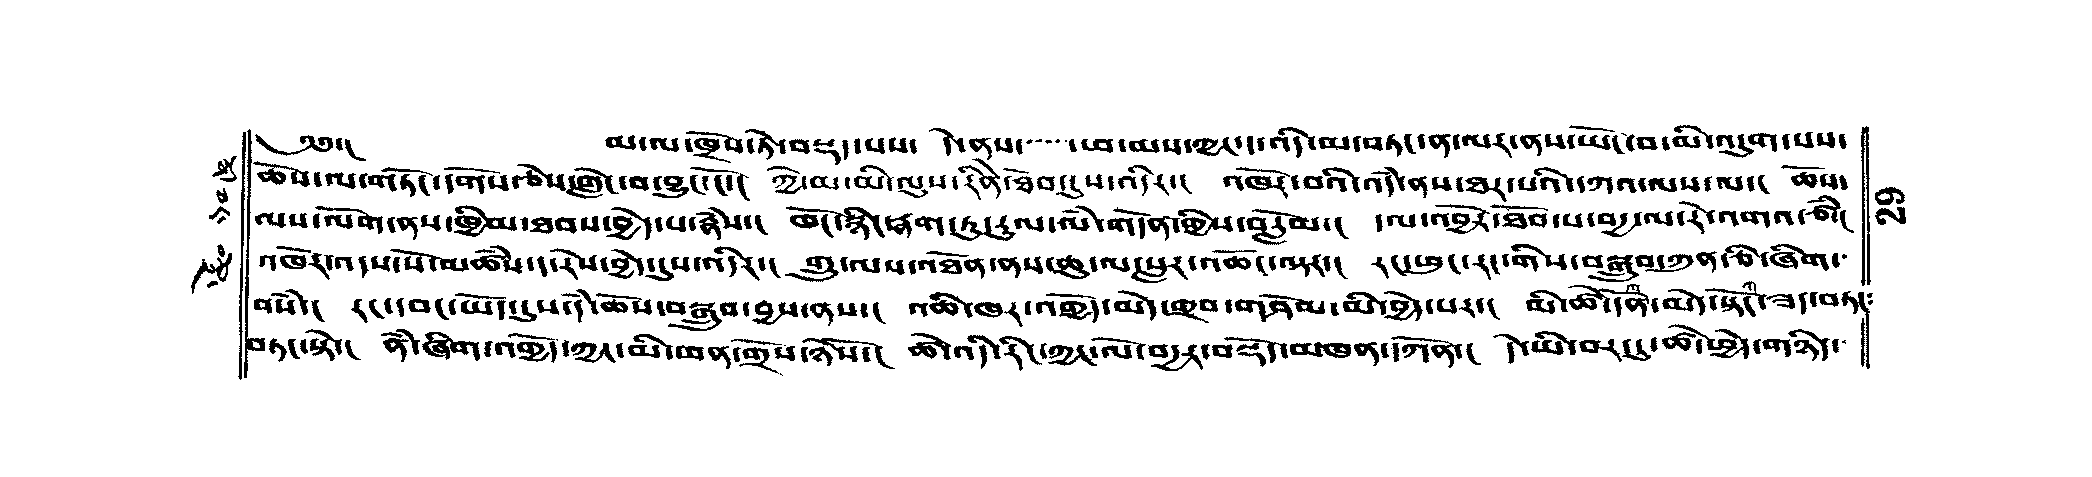མ་ལ་ཁྲོས་ཏེ་བསྡད་པས། དེ་ནས་ཕ་མས་ཀྱང་ད་འདི་མ་བཏང་ན་ལར་ནས་ཡོང་བ་མི་འདུག་པས་
ཆོས་ལ་གཏོང་དགོས་ཅེས་གླེང་བ་བྱུང་ངོ་། ཀྱེ་མ་མི་ལུས་རིན་ཆེན་ཐོབ་དུས་འདིར། །འཁོར་བའི་འདམ་ནས་ཐར་པའི་དཀའ་ལས་ལ། །ཆོས་
ལས་ལོག་ནས་ཁྱིམ་ཐབས་བྱེད་པ་རྣམས། །ཁོང་སྙིང་རྣག་ཏུ་རུལ་ལམ་གདོན་གྱིས་བརློམ། །དལ་འབྱོར་ཐོབ་པ་བརྒྱ་ལ་རེ་འགའ་ཙམ། །
འཁོར་འདས་སོ་མཚམས་ད་རེས་བྱེད་དུས་འདིར། །གྲུ་ལས་འཐོན་ནས་ཆུ་ལ་སླར་འཆོང་ལྟར། །རང་ཕུང་རང་གིས་བསྒྲུབ་ཀུན་ཅི་ཞིག་
བསམ། །རང་དབང་ཡོད་དུས་དམ་ཆོས་བསྒྲུབ་བྱས་ནས། །འཆི་ཁར་འགྱོད་མེད་གྲབས་གཤོམ་མི་བྱེད་པར། །མི་ཚེ་དོན་མེད་སྟོང་ཟད་བཏང་
བཏང་སྟེ། །ནམ་ཞིག་འགྱོད་ཀྱང་མི་ཕན་གྲོས་ཉེས་སོ། །ཚེ་འདི་རིང་ཀྱང་ལོ་བརྒྱར་བསྡོད་མཁན་དཀོན། །དེ་ཡི་བར་དུ་ཚེ་ཕྱེད་གཉིད་